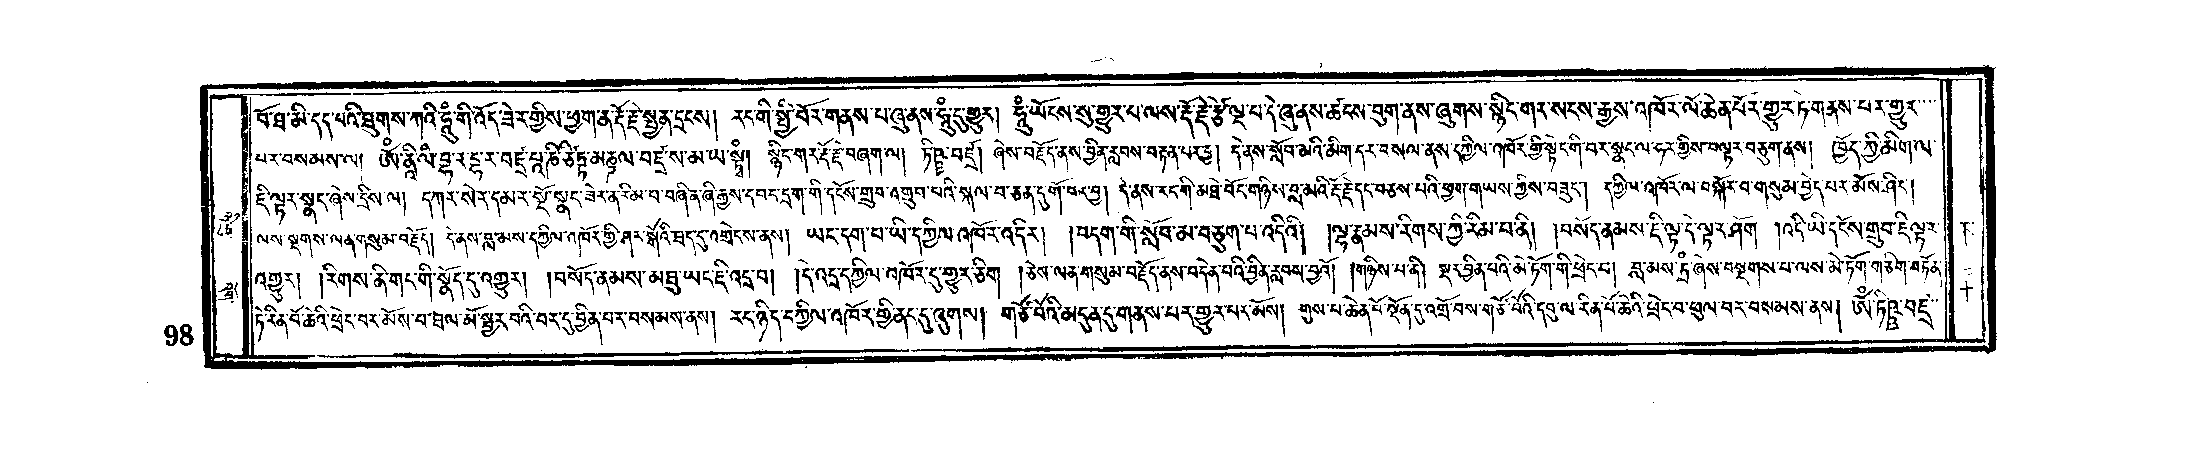བོ་ཐ་མི་དད་པའི་ཐུགས་ཀའི་ཧཱུཾ་གི་འོད་ཟེར་གྱིས་ཕྱག་ན་རྡོ་རྗེ་སྤྱན་དྲངས། རང་གི་སྤྱི་བོར་གནས་པ་ཞུ་ནས་ཧཱུཾ་དུ་གྱུར། ཧཱུཾ་ཡོངས་སུ་གྱུར་པ་ལས་རྡོ་རྗེ་རྩེ་ལྔ་པ་དེ་ཞུ་ནས་ཚངས་བུག་ནས་ཞུགས་སྙིང་གར་སངས་རྒྱས་འཁོར་ལོ་ཆེན་པོར་གྱུར་ཏེ་གནས་པར་གྱུར་
པར་བསམས་ལ། ཨོཾ་ནཱི་ལི་བྷ་ར་དྷ་ར་བཛྲ་པཱ་ཎི་ཙིཏྟ་མཎྜལ་བཛྲ་ས་མ་ཡ་སྟྭཾ། སྙིང་གར་རྡོ་རྗེ་བཞག་ལ། ཏིཥཊཿཨ་བཛྲ། ཞེས་བརྗོད་ནས་བྱིན་རླབས་བརྟན་པར་བྱ། དེ་ནས་སློབ་མའི་མིག་དར་བསལ་ནས་དཀྱིལ་འཁོར་གྱི་སྟེང་གི་བར་སྣང་ལ་ཧར་གྱིས་བལྟར་བཅུག་ནས། ཁྱོད་ཀྱི་མིག་ལ་
ཇི་ལྟར་སྣང་ཞེས་དྲིས་ལ། དཀར་སེར་དམར་སྔོ་སྣང་ཟེར་ན་རིམ་པ་བཞིན་ཞི་རྒྱས་དབང་དྲག་གི་དངོས་གྲུབ་འགྲུབ་པའི་སྐལ་བ་ཅན་དུ་གོ་བར་བྱ། དེ་ནས་རང་གི་མཐེ་བོང་གཉིས་བླ་མའི་རྡོ་རྗེ་དང་བཅས་པའི་ཕྱག་གཡས་ཀྱིས་བཟུང་། དཀྱིལ་འཁོར་ལ་བསྐོར་བ་གསུམ་བྱེད་པར་མོས་ཤིང་།
ལས་སྔགས་ལན་གསུམ་བརྗོད། དེ་ནས་བླ་མས་དཀྱིལ་འཁོར་གྱི་ཤར་སྒོའི་ཐད་དུ་འགྲེངས་ནས། ཡང་དག་པ་ཡི་དཀྱིལ་འཁོར་འདིར། །བདག་གི་སློབ་མ་བཅུག་པ་འདིའི། །ལྷ་རྣམས་རིགས་ཀྱི་རིམ་པ་ནི། །བསོད་ནམས་ཇི་ལྟ་དེ་ལྟར་ཤོག །འདི་ཡི་དངོས་གྲུབ་ཇི་ལྟར་
འགྱུར། །རིགས་ནི་གང་གི་སྣོད་དུ་འགྱུར། །བསོད་ནམས་མཐུ་ཡང་ཇི་འདྲ་བ། །དེ་འདྲ་དཀྱིལ་འཁོར་དུ་གྱུར་ཅིག །ཅེས་ལན་གསུམ་བརྗོད་ནས་བདེན་པའི་བྱིན་རླབས་བྱའོ། །གཉིས་པ་ནི། སྔར་བྱིན་པའི་མེ་ཏོག་གི་ཕྲེང་བ། བླ་མས་ཏྲཾ་ཞེས་བསྔགས་པ་ལས་མེ་ཏོག་གཅིག་བཏོན་
ཏེ་རིན་པོ་ཆེའི་ཕྲེང་བར་མོས་པ་ཐལ་མོ་སྦྱར་བའི་བར་དུ་བྱིན་པར་བསམས་ནས། རང་ཉིད་དཀྱིལ་འཁོར་གྱི་ནང་དུ་ཞུགས། གཙོ་བོའི་མདུན་དུ་གནས་པར་གྱུར་པར་མོས། གུས་པ་ཆེན་པོ་སྔོན་དུ་འགྲོ་བས་གཙོ་བོའི་དབུ་ལ་རིན་པོ་ཆེའི་ཕྲེང་བ་ཕུལ་བར་བསམས་ནས། ཨོཾ་ཏིཥཊཿཨ་བཛྲ་